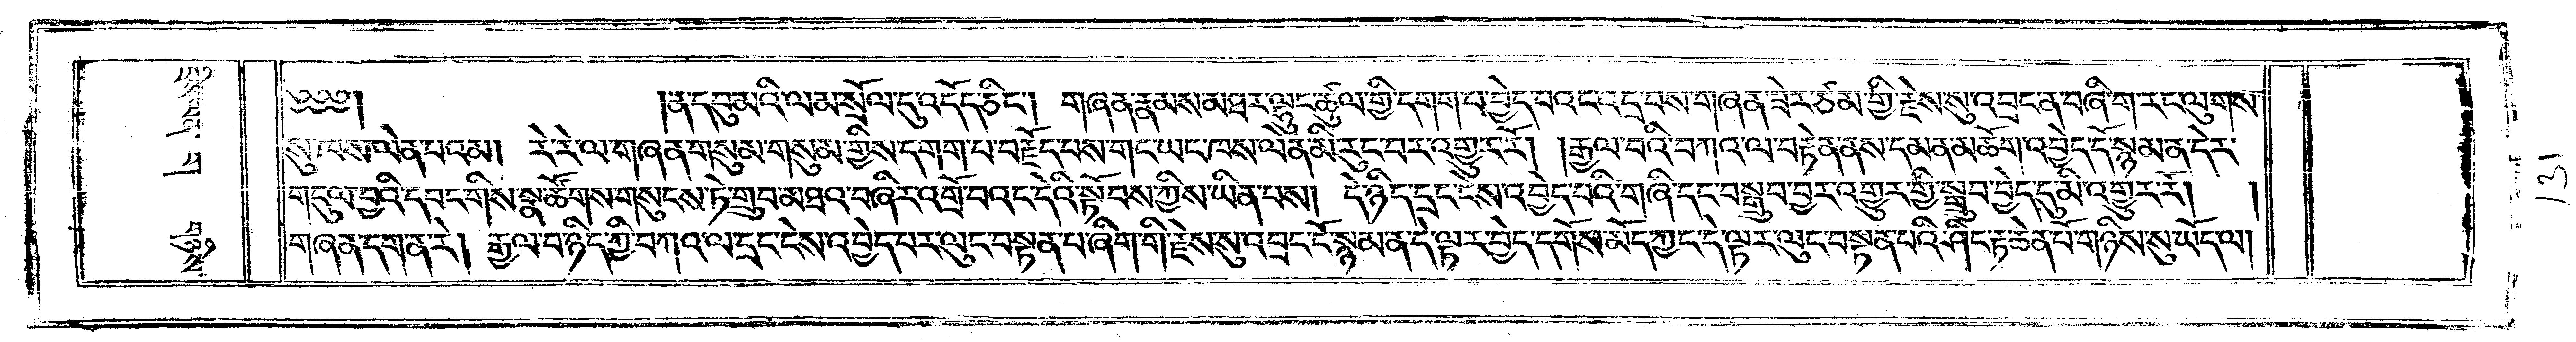༄༅༅། །ན་དབུ་མའི་ལམ་སྲོལ་དུ་འདོད་ཅིང་། གཞན་རྣམས་མཐར་ལྷུང་ཚུལ་གྱི་དགག་པ་བྱེད་པའང་འདྲ་བས་གཞན་ཟེར་ཙམ་གྱི་རྗེས་སུ་འབྲང་ན་བཞི་ག་རང་ལུགས་
སུ་ཁས་ལེན་པའམ། རེ་རེ་ལ་གཞན་གསུམ་གསུམ་གྱིས་དགག་པ་བརྗོད་པས་གང་ཡང་ཁས་ལེན་མི་རུང་བར་འགྱུར་རོ། །རྒྱལ་བའི་བཀའ་ལ་བརྟེན་ནས་དམན་མཆོག་འབྱེད་དོ་སྙམ་ན་དེར་
གདུལ་བྱའི་དབང་གིས་སྣ་ཚོགས་གསུངས་ཏེ་གྲུབ་མཐའ་བཞིར་འགྲོ་བའང་དེའི་སྟོབས་ཀྱིས་ཡིན་པས། དེ་ཉིད་དྲང་ངེས་འབྱེད་པའི་གཞི་དང་བསྒྲུབ་བྱར་འགྱུར་གྱི་སྒྲུབ་བྱེད་དུ་མི་འགྱུར་རོ། །
གཞན་དག་ན་རེ། རྒྱལ་བ་ཉིད་ཀྱི་བཀའ་ལ་དྲང་ངེས་འབྱེད་པར་ལུང་བསྟན་པ་ཞིག་གི་རྗེས་སུ་འབྲང་ངོ་སྙམ་ན་དེ་ལྟར་བྱེད་དགོས་མོད་ཀྱང་དེ་ལྟར་ལུང་བསྟན་པའི་ཤིང་རྟ་ཆེན་པོ་གཉིས་སུ་ཡོད་ལ།